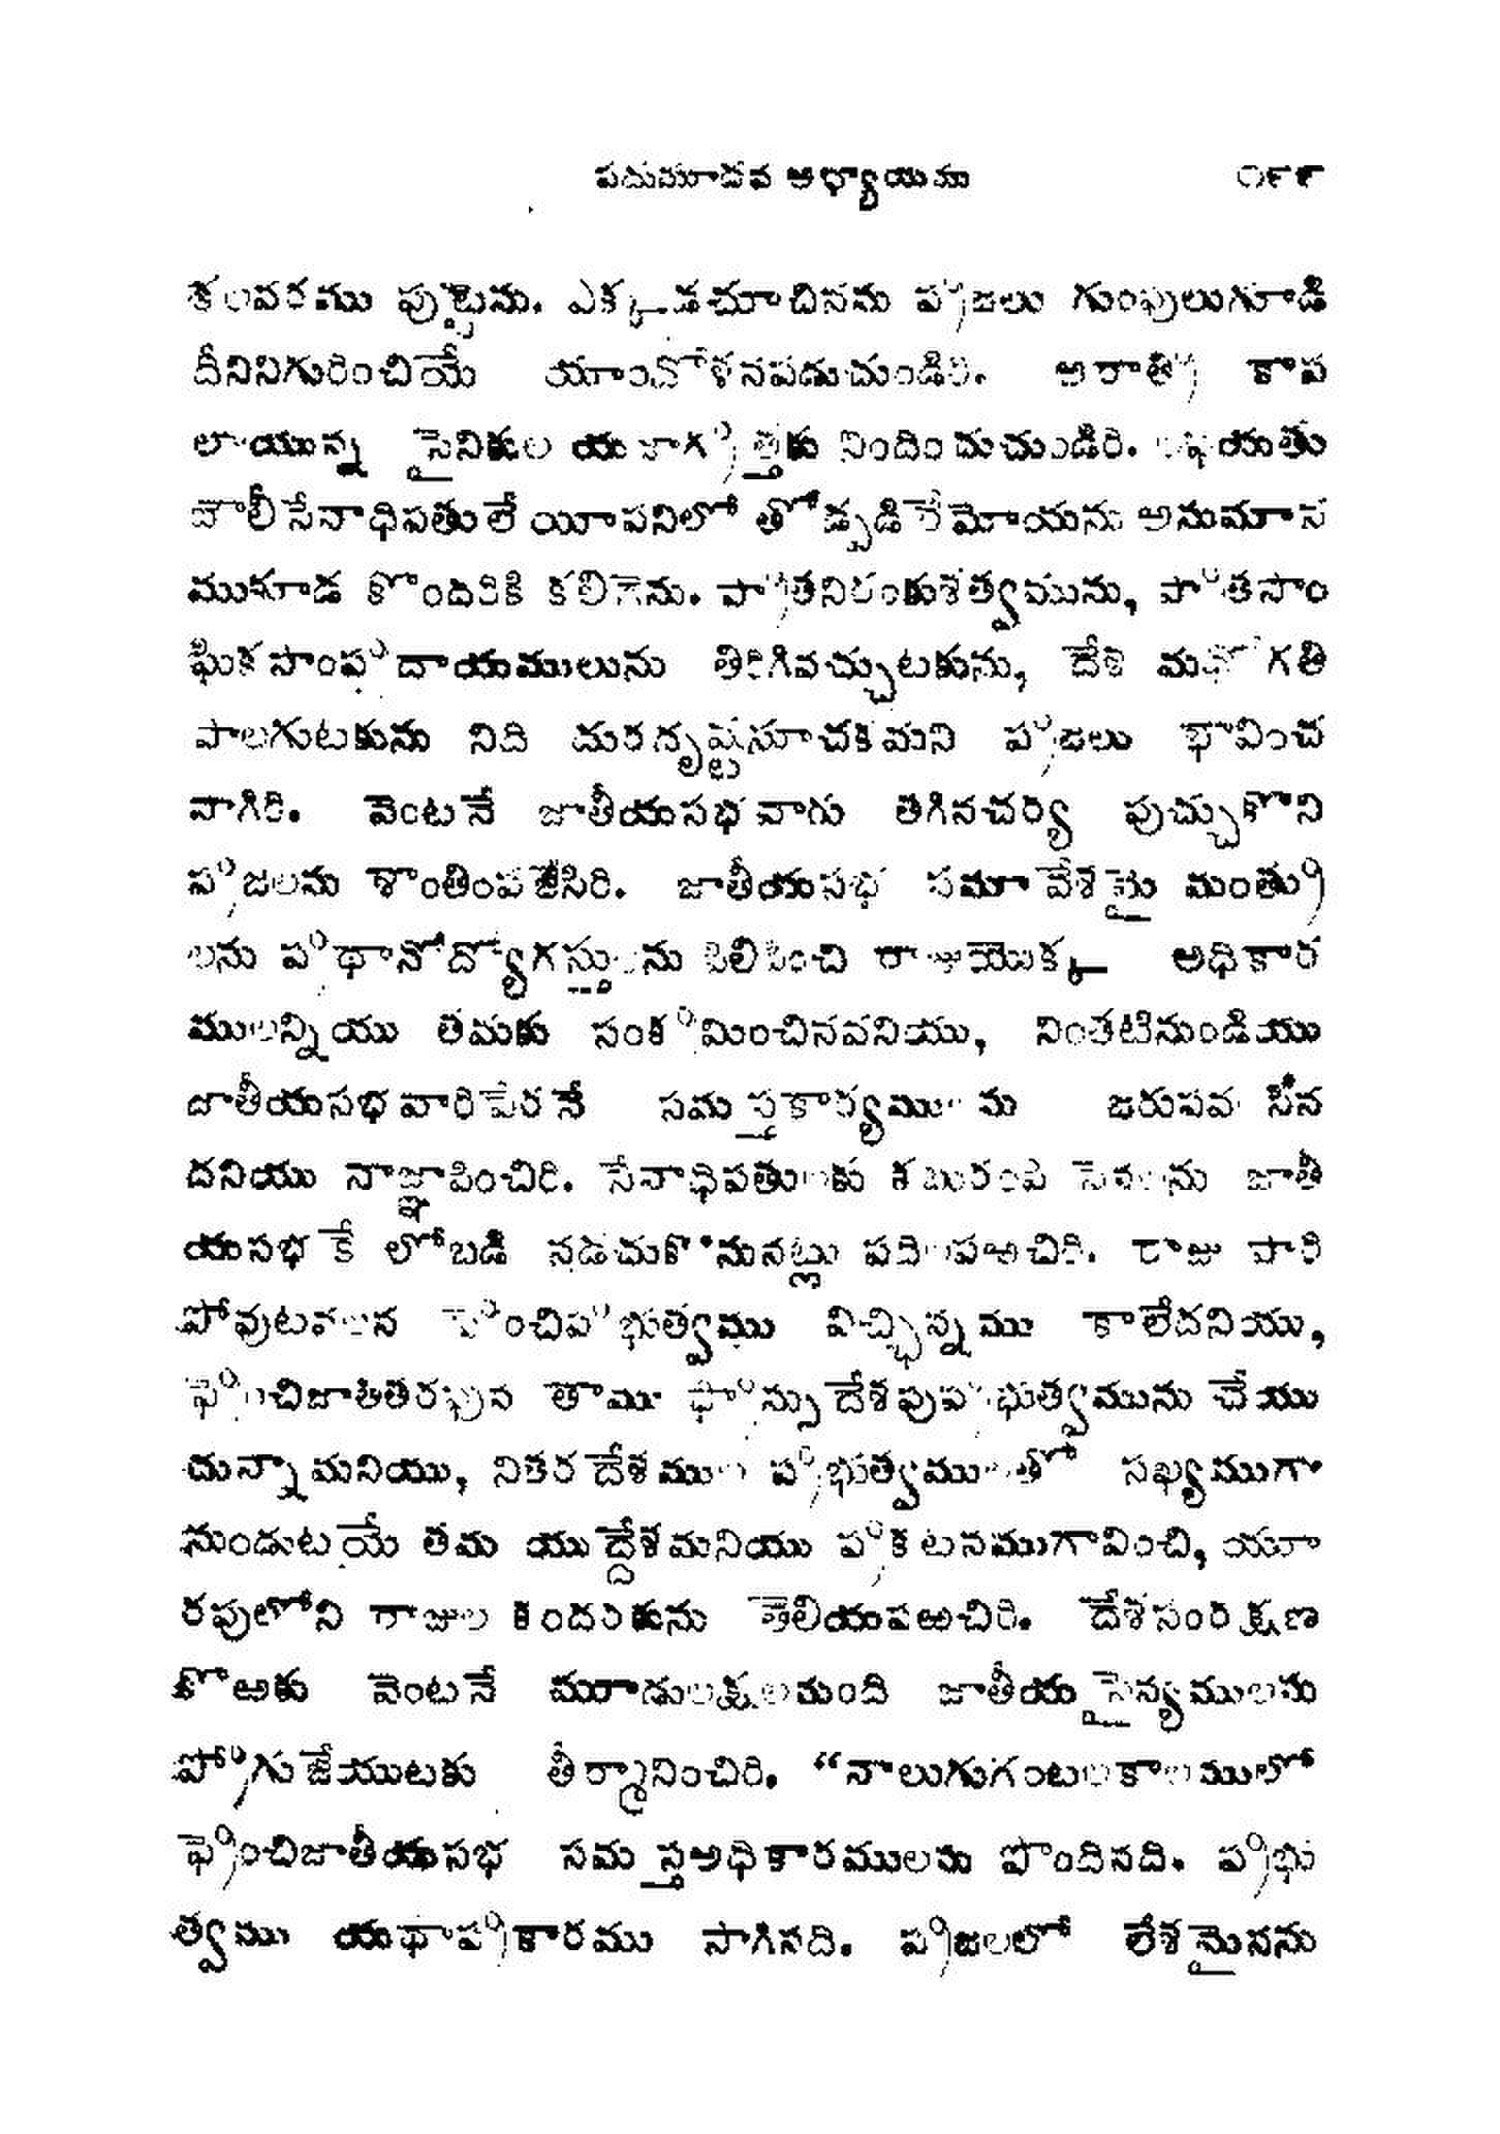కలవరము ఫుట్టెసు. ఎక్కడ చూచినను ప్రజలు గుంపులు గూడి
దీనిని గురించియే యాందోళనపడుచుండిరి, ఆరాత్రి కాప
లాయున్న సైనికుల యజాగ్రత్తకు నిందించుచుండిరి. లఫయయతు
దౌలీ సేనాధిపతులే యీపనిలో తోడ్పడిరేమోయను అనుమాన
ముకూడ కొందరికి కలిగెను. ప్రాతనిరంకుశత్వమును, ప్రాతసాం
ఘిక సాంప్రదాయములును తిగివచ్చుటకును, దేశ మధోగతి
పాలగుటకును నిది దురదృష్టి సూచకమని ప్రజలు భావించ
సాగిరి. వెంటనే జాతీయసభ వారు తగినచర్య పుచ్చుకొని
ప్రజలను శాంతింప జేసిరి. జాతీయసభ సమావేశమై మంత్రు
లను ప్రధానోద్యోగస్తును పిలిపించి రాజు యొక్క అధికార
ములన్నీయు తమకు సంక్రమించిన వనియు, నింతటి నుండియు
జాతీయసభ వారి పేరనేసమస్తకార్యములను జరుపవల సిన
దనియు నాజ్ఞాపించిరి. సేనాధిపతులకు కబురంపి సేన లను జాతీ
యసభ కే లోబడి నడిచుకొనునట్లు పదిలపచిరి. రాజు పారి
పోవుటవలన ప్రెంచి ప్రభుత్వము విచ్ఛిన్నము కాలేదనియు,
ఫ్రెంచిజాతి తరున తాము ఫాస్సు దేశ పుప ప్రభుత్వమును చేయు
చున్నామనియు, నితర దేశముల ప్ర భుత్వములతో, సఖ్యముగా
నుండుటయే తమ యుద్దేశమనియు ప్రకటనముగావించి, యూ
రపులోని రాజుల కందరకును తెలియపలుచిరి. దేశ సంరక్షణ
కొఱకు వెంటనే మూడు లక్షల ముంది. జాతీయ సైన్యములను
పోగు జేయుటకు తీర్మానించిరి, “నాలుగుగంటల కాలములో
ఫ్రెం చిజాతీయసభ సమ స్త అధికారములను పొందినది. ప్రభు
త్యసు యథాప్రకారము సాగినది. ప్రజలలో లేశమైనను